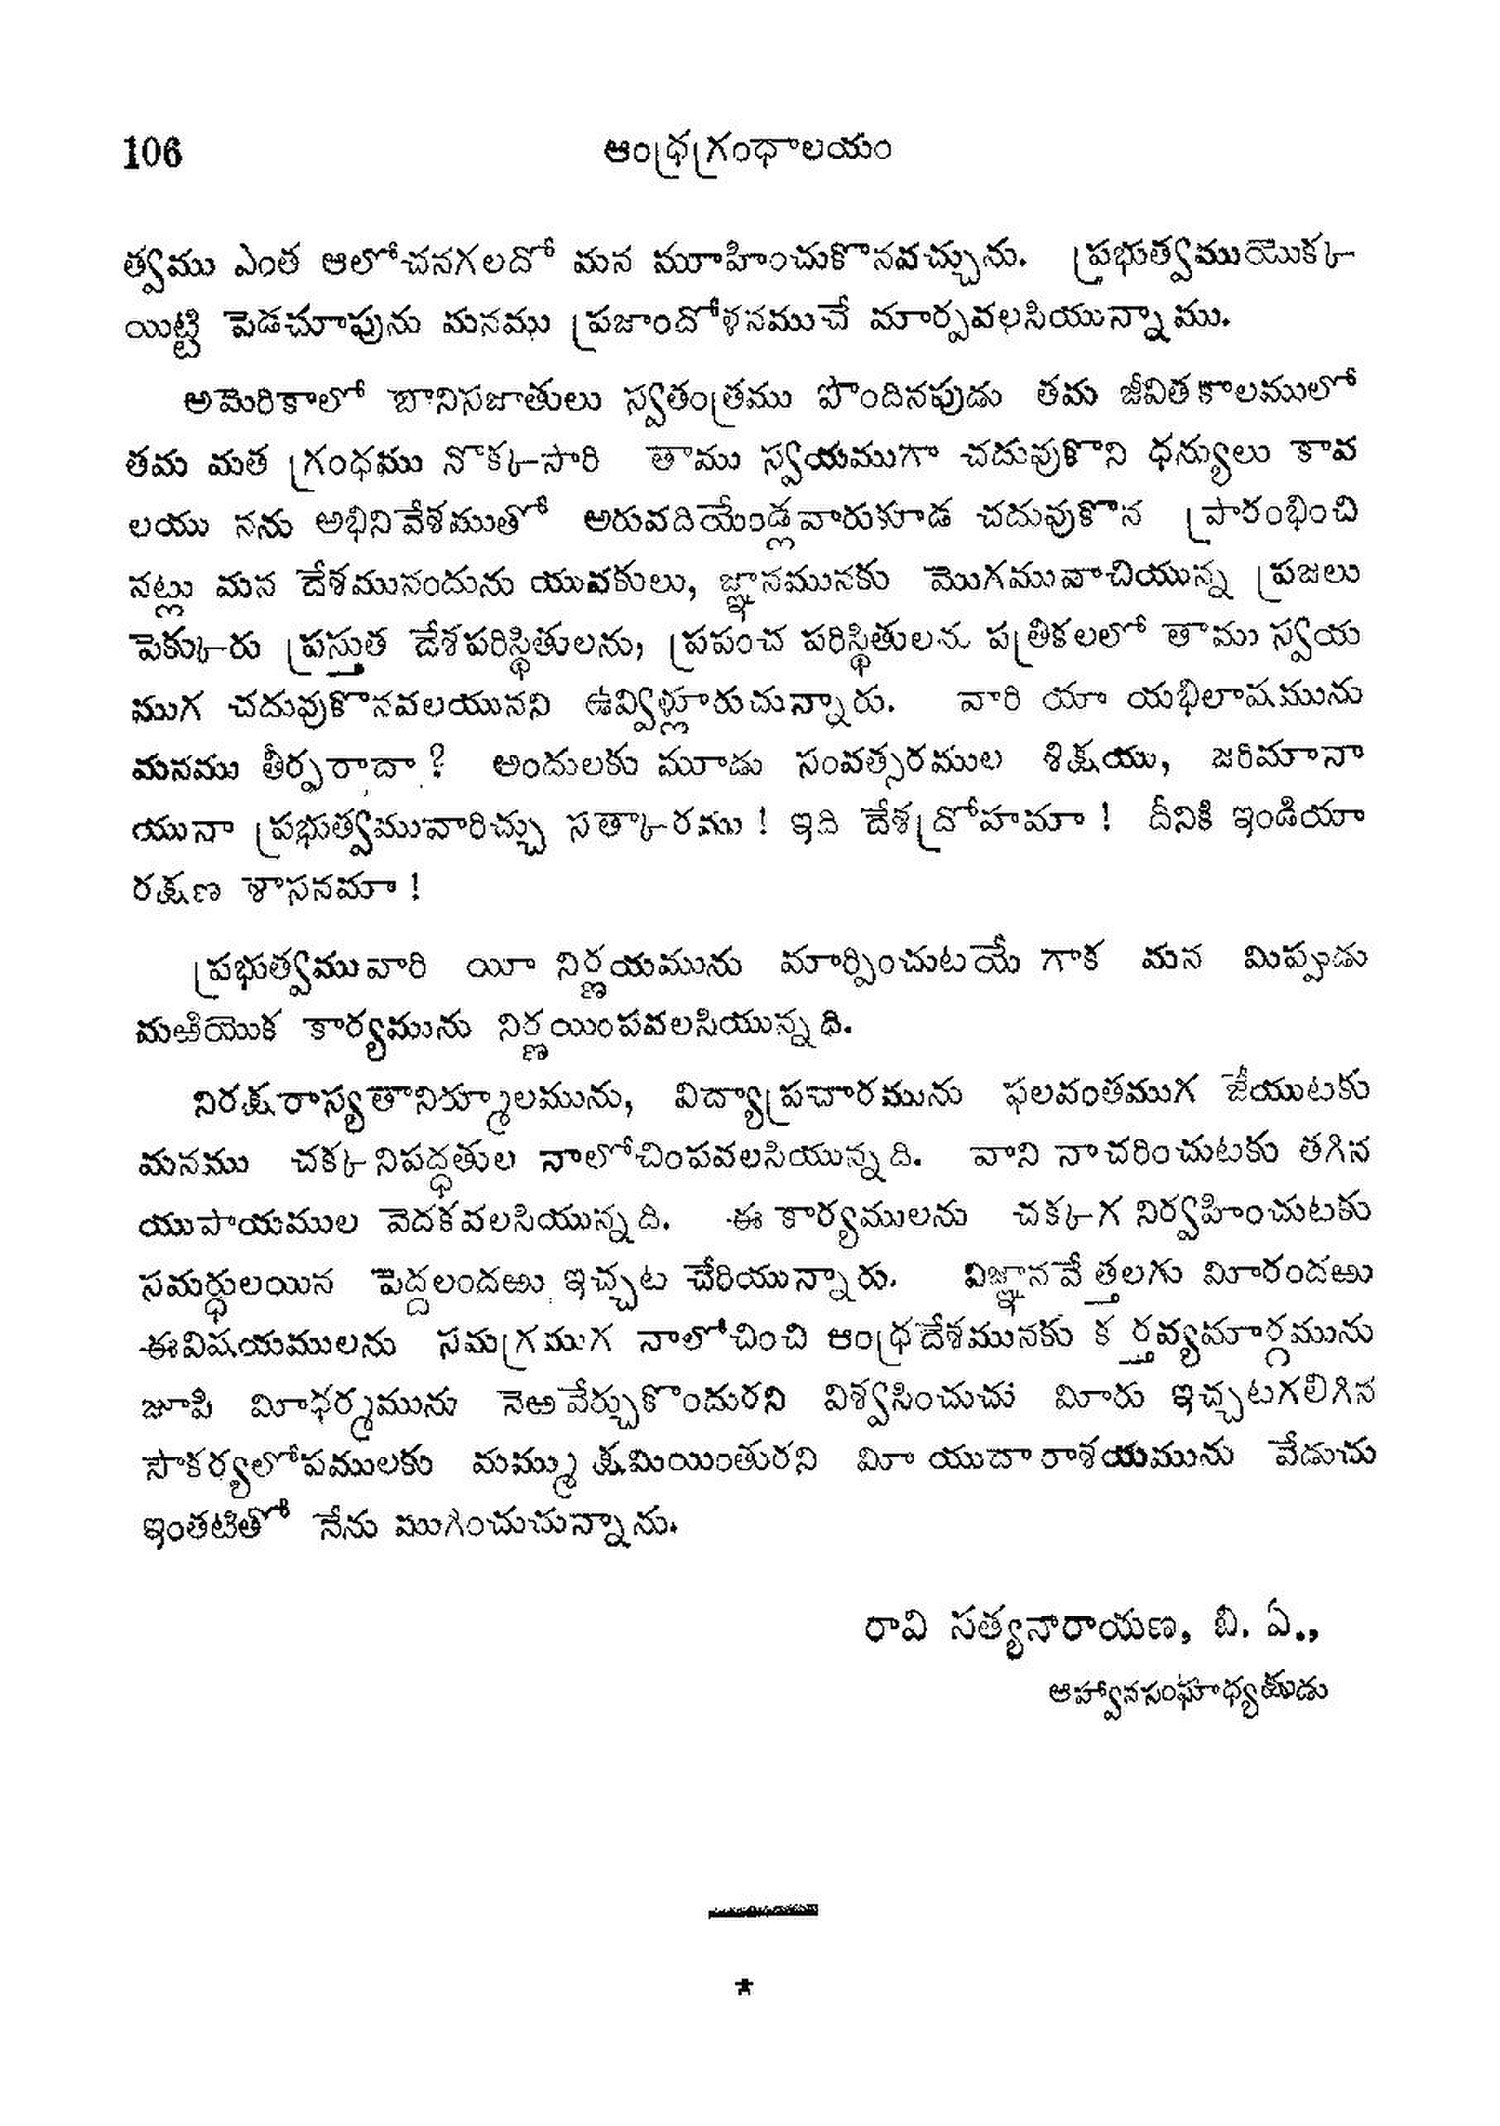త్వము ఎంత ఆలోచనగలదో మన మూహించుకొనవచ్చును. ప్రభుత్వము యొక్కయిట్టి పెడచూపును మనము ప్రజాందోళనముచే మార్పవలసియున్నాము.

అమెరికాలో బానిసజాతులు స్వతంత్రము పొందినపుడు తమ జీవిత కాలములో తమ మత గ్రంధము నొక్కసారి తాము స్వయముగా చదువుకొని ధన్యులు కావలయునను అభినివేశముతో అరువదియేండ్లవారుకూడ చదువుకొన ప్రారంభించినట్లు మన దేశమునందును యువకులు, జ్ఞానమునకు మొగమువాచియున్న ప్రజలు పెక్కురు ప్రస్తుత దేశపరిస్థితులను, ప్రపంచ పరిస్థితులను పత్రికలలో తాము స్వయముగ చదువుకొనవలయునని ఉవ్విళ్లూరుచున్నారు. వారి యా యభిలాషమును మనము తీర్పరాదా? అందులకు మూడు సంవత్సరములు శిక్షయు, జరిమానా యునా ప్రభుత్వమువారిచ్చు సత్కారము! ఇది దేశద్రోహమా ! దీనికి ఇండియా
రక్షణ శాసనమా!

ప్రభుత్వము వారి యీ నిర్ణయమును మార్పించుటయే గాక మన మిప్పుడు మఱియొక కార్యమును నిర్ణయింపవలసియున్నది.

నిరక్షరాస్యతానిర్మూలమును, విద్యాప్రచారమును ఫలవంతముగ జేయుటకు మనము చక్కని పద్ధతుల నాలోచింపవలసియున్నది. 
వాని నాచరించుటకు తగిన యుపాయములు వెదకవలసియున్నది. ఈ కార్యములను చక్కగ నిర్వహించుటకు సమర్ధులయిన 
పెద్దలందఱు ఇచ్చట చేరియున్నారు. విజ్ఞానవేత్తలగు మీరందఱు ఈవిషయములను సమగ్రముగ నాలోచించి ఆంధ్రదేశమునకు కర్తవ్యమార్గమును జూపి మీ ధర్మమును నెఱ వేర్చుకొందురని విశ్వసించుచు మీరు ఇచ్చటగలిగినసౌకర్యలోపములకు మమ్ము క్షమియింతురని మీ యుదారాశయమును వేడుచు ఇంతటితో నేను ముగించుచున్నాను.